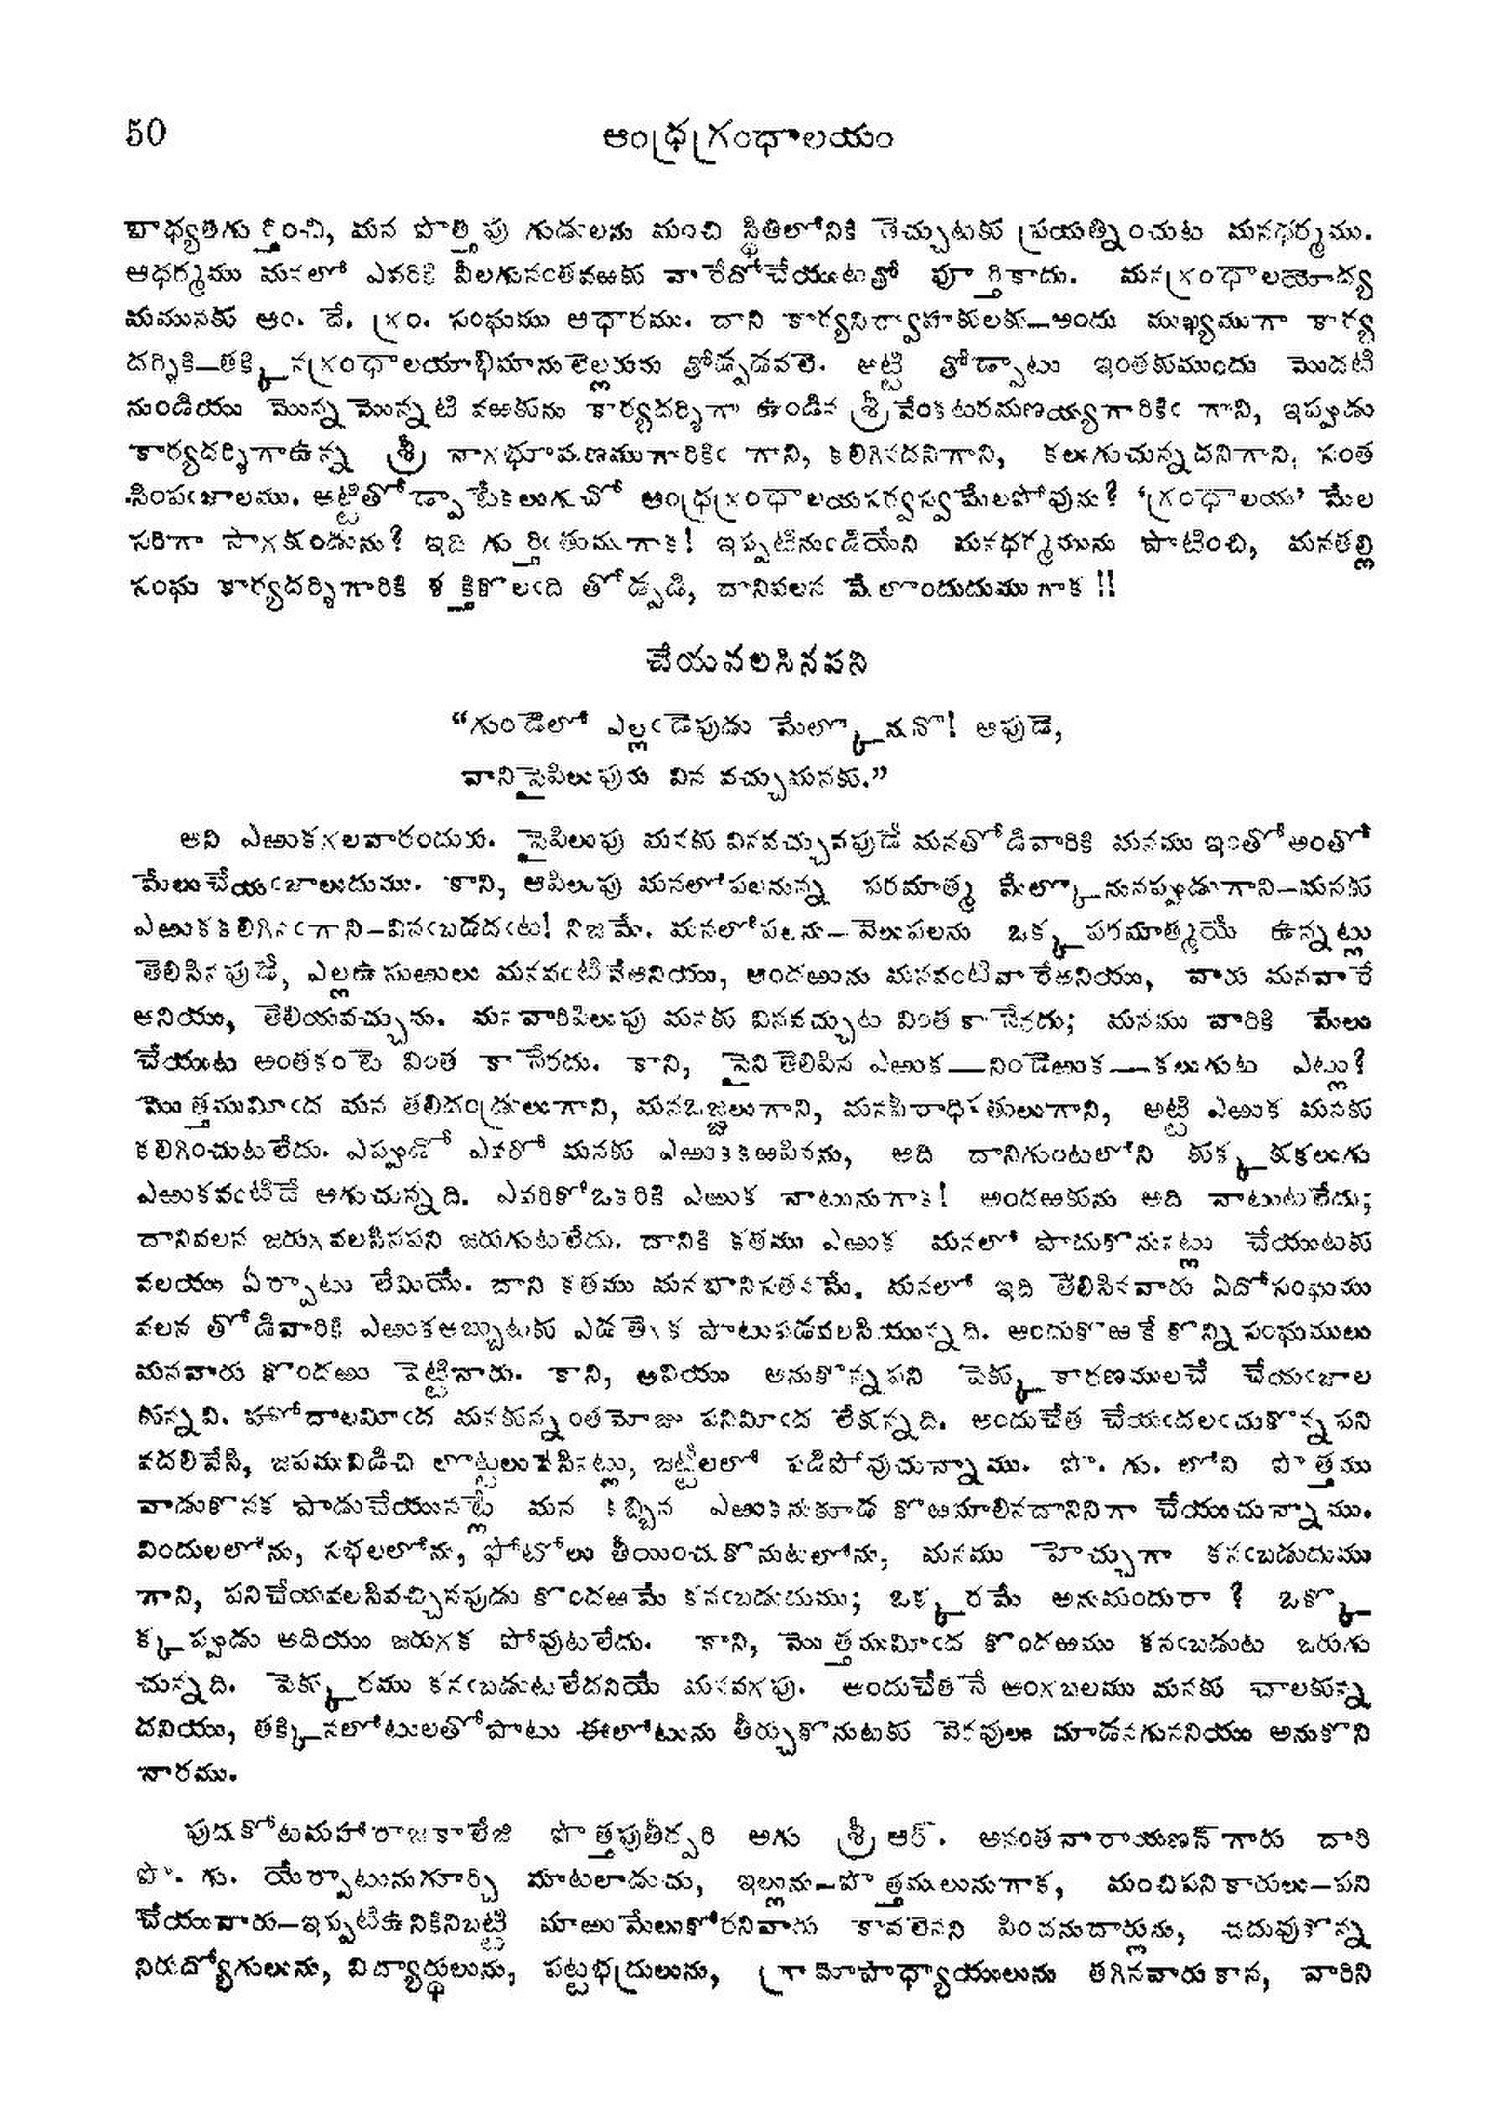బాధ్యత గుర్తించి, మన పొత్తపు గుడులను మంచి స్థితిలోనికి తెచ్చుటకు ప్రయత్నించుట మనధర్మము. ఆధర్మము మనలో ఎవరికి వీలగునంతవఱకు వారేదోచేయుటతో పూర్తికాదు. మన గ్రంధాలయోద్యమమునకు ఆం.దే.గ్రం.సంఘము ఆధారము. దాని కార్యనిర్వాహకులకు-అందు ముఖ్యముగా కార్యదర్శికి—తక్కిన గ్రంధాలయాభిమానులెల్లరుకు తోడ్పడవలె. అట్టి తోడ్పాటు 
ఇంతకుముందు మొదటి నుండియు మొన్న మొన్నటి వఱకును కార్యదర్శిగా ఉండిన శ్రీ వేంకటరమణయ్య గారికిఁ గాని, ఇప్పుడు 
కార్యదర్శిగాఉన్న శ్రీ నాగభూపణము గారికిఁ గాని, కలిగినదనిగాని, కలుగుచున్నదనిగాని, సంతసింపఁజాలము. అట్టితోడ్పాటే 
కలుగుచో ఆంధ్రగ్రంధాలయ సర్వస్వమేలపోవును? 'గ్రంథాలయ' మేల సరిగా సాగకుండును? ఇది గుర్తిఁతుముగాక! ఇప్పటి 
నుండియేని మనధర్మమును పాటించి, మనతల్లి సంఘ కార్యదర్శిగారికి శక్తికొలంది తోడ్పడి, దానివలన మేలొందుదుము గాక!!

అని ఎఱుకగలవారందురు. పైపిలుపు మనకు వినవచ్చునపుడే మనతోడివారికి మనము ఇంతో అంతో మేలుచేయఁజాలుదుము. 
కాని, ఆపిలుపు మనలోపలనున్న పరమాత్మ మేల్కొనునునప్పుడు గాని-మనకు ఎఱుకలిగినఁగాని-వినఁబడదఁట! నిజమే. 
మనలోపలను-వెలుపలను ఒక్క పరమాత్మయే ఉన్నట్లు తెలిసినపుడే ఎళ్లఉసుఱులు మనవఁటివేఅనియు, అందఱును 
మనవంటివారేనియు, వారు మనవారే ఆనియు, తెలియవచ్చును. మనవారి పిలుపు మనకు వినవచ్చుట వింత కాసేరదు; 
మనము వారికి మేలు చేయట అంతకంటే వింత కానేరదు. కానీ, పైని తెలిపిన ఎఱుక-నిండెఱుక-కలుగుట ఎట్లు?
మొత్తముమీఁద మన తలిదండ్రులుగాని, మనఒజ్ఞలు గాని, మనపీఠాధిపతులుగానీ, అట్టి ఎఱుక మనకు కలిగించుటలేదు. 
ఎప్పుడో ఎవరో మనకు ఎఱుకఱపిరను, అది దానిగుంటలోని కుక్కకు కుకలుగు ఎఱుకవఁటిడే అగుచున్నది. ఎవరికో ఒకరికి 
ఎఱుక నాటును గాక! అందఱకును అది నాటుటలేదు; దానివలన జరుగవలసినపని జరుగుటలేదు. దానికి కతము ఎఱుక 
మనలో పాదుకొనునట్లు చేయుటకు వలయు ఏర్పాటు లేమియే. జాని కతము మన బానిసత్వమే. మనలో ఇది తెలిసినవారు 
ఏదో సంఘము వలన తోడివారికి ఎఱుక అబ్బుటకు ఎడతెగకు పాటుపడవలసి యున్నది. అందుఱకే కొన్ని సంఘములు
మనవారు కొండఱు పెట్టినారు. కాని, ఆవియు అనుకొన్నపని పెక్కు కారణములచే చేయఁజాల కున్నవి. హోదాలమీఁద 
మనకున్నంత మోజు పనిమీఁద లేకున్నది. అందుచేత చేయఁదలఁచుకొన్న పని వదలివేసి, జపమువిడిచి లొట్టలువేసినట్లు, 
జట్టీలలో పడిపోవుచున్నాము. పొ.గు.లోని పొత్తము వాడుకొనక పాడుచేయునట్లే మన కబ్బిన ఎఱుకనుకూడ కొతిమాలినదానినిగా చేయుచున్నాము. విందులలోను, సభలలోను, ఫోటోలు తీయించుకొనుటలోనూ, మనము హెచ్చుగా కనఁబడుదుము గాని, 
పని చేయవలసివచ్చినపుడు కొందఱమే కనఁబడుదుము; ఒక్కరమే అనుమందురా? ఒక్కాక్కప్పుడు ఆదియం జరుగక పోవుటలేదు. 
కాని, మొత్తముమీఁద కొండఱము కనఁబడుట జరుగు చున్నది. పెక్కురము కనఁబడుట లేదనియే మనవగపు. అందుచేతనే 
అంగబలము మనకు చాలకున్నదనియు, తక్కినలోటులతోపాటు ఈ లోటును తీర్చుకొనుటకు వెరవులు చూడనగుననియు 
అనుకొనినారము.

పుదుకోట మహారాజ కాలేజి పొత్తపుతీర్పరి అగు శ్రీఆర్.అనంత నారాయణన్ గారు దారి పొ.గు.యేర్పాటును గూర్చి మాటలాడుచు, ఇల్లును-పొత్తములునుగాక, మంచిపనికారులు-పనిచేయువారు—ఇప్పటిఉనికినిబట్టి మాఱుమేలుకోరనివారు కావలెనని పించనుదార్లును, చదువుకొన్న నిరుద్యోగులను, విద్యార్థులును, పట్టభద్రులును, గ్రామోపాధ్యాయులును తగినవారుకాన, వారిని